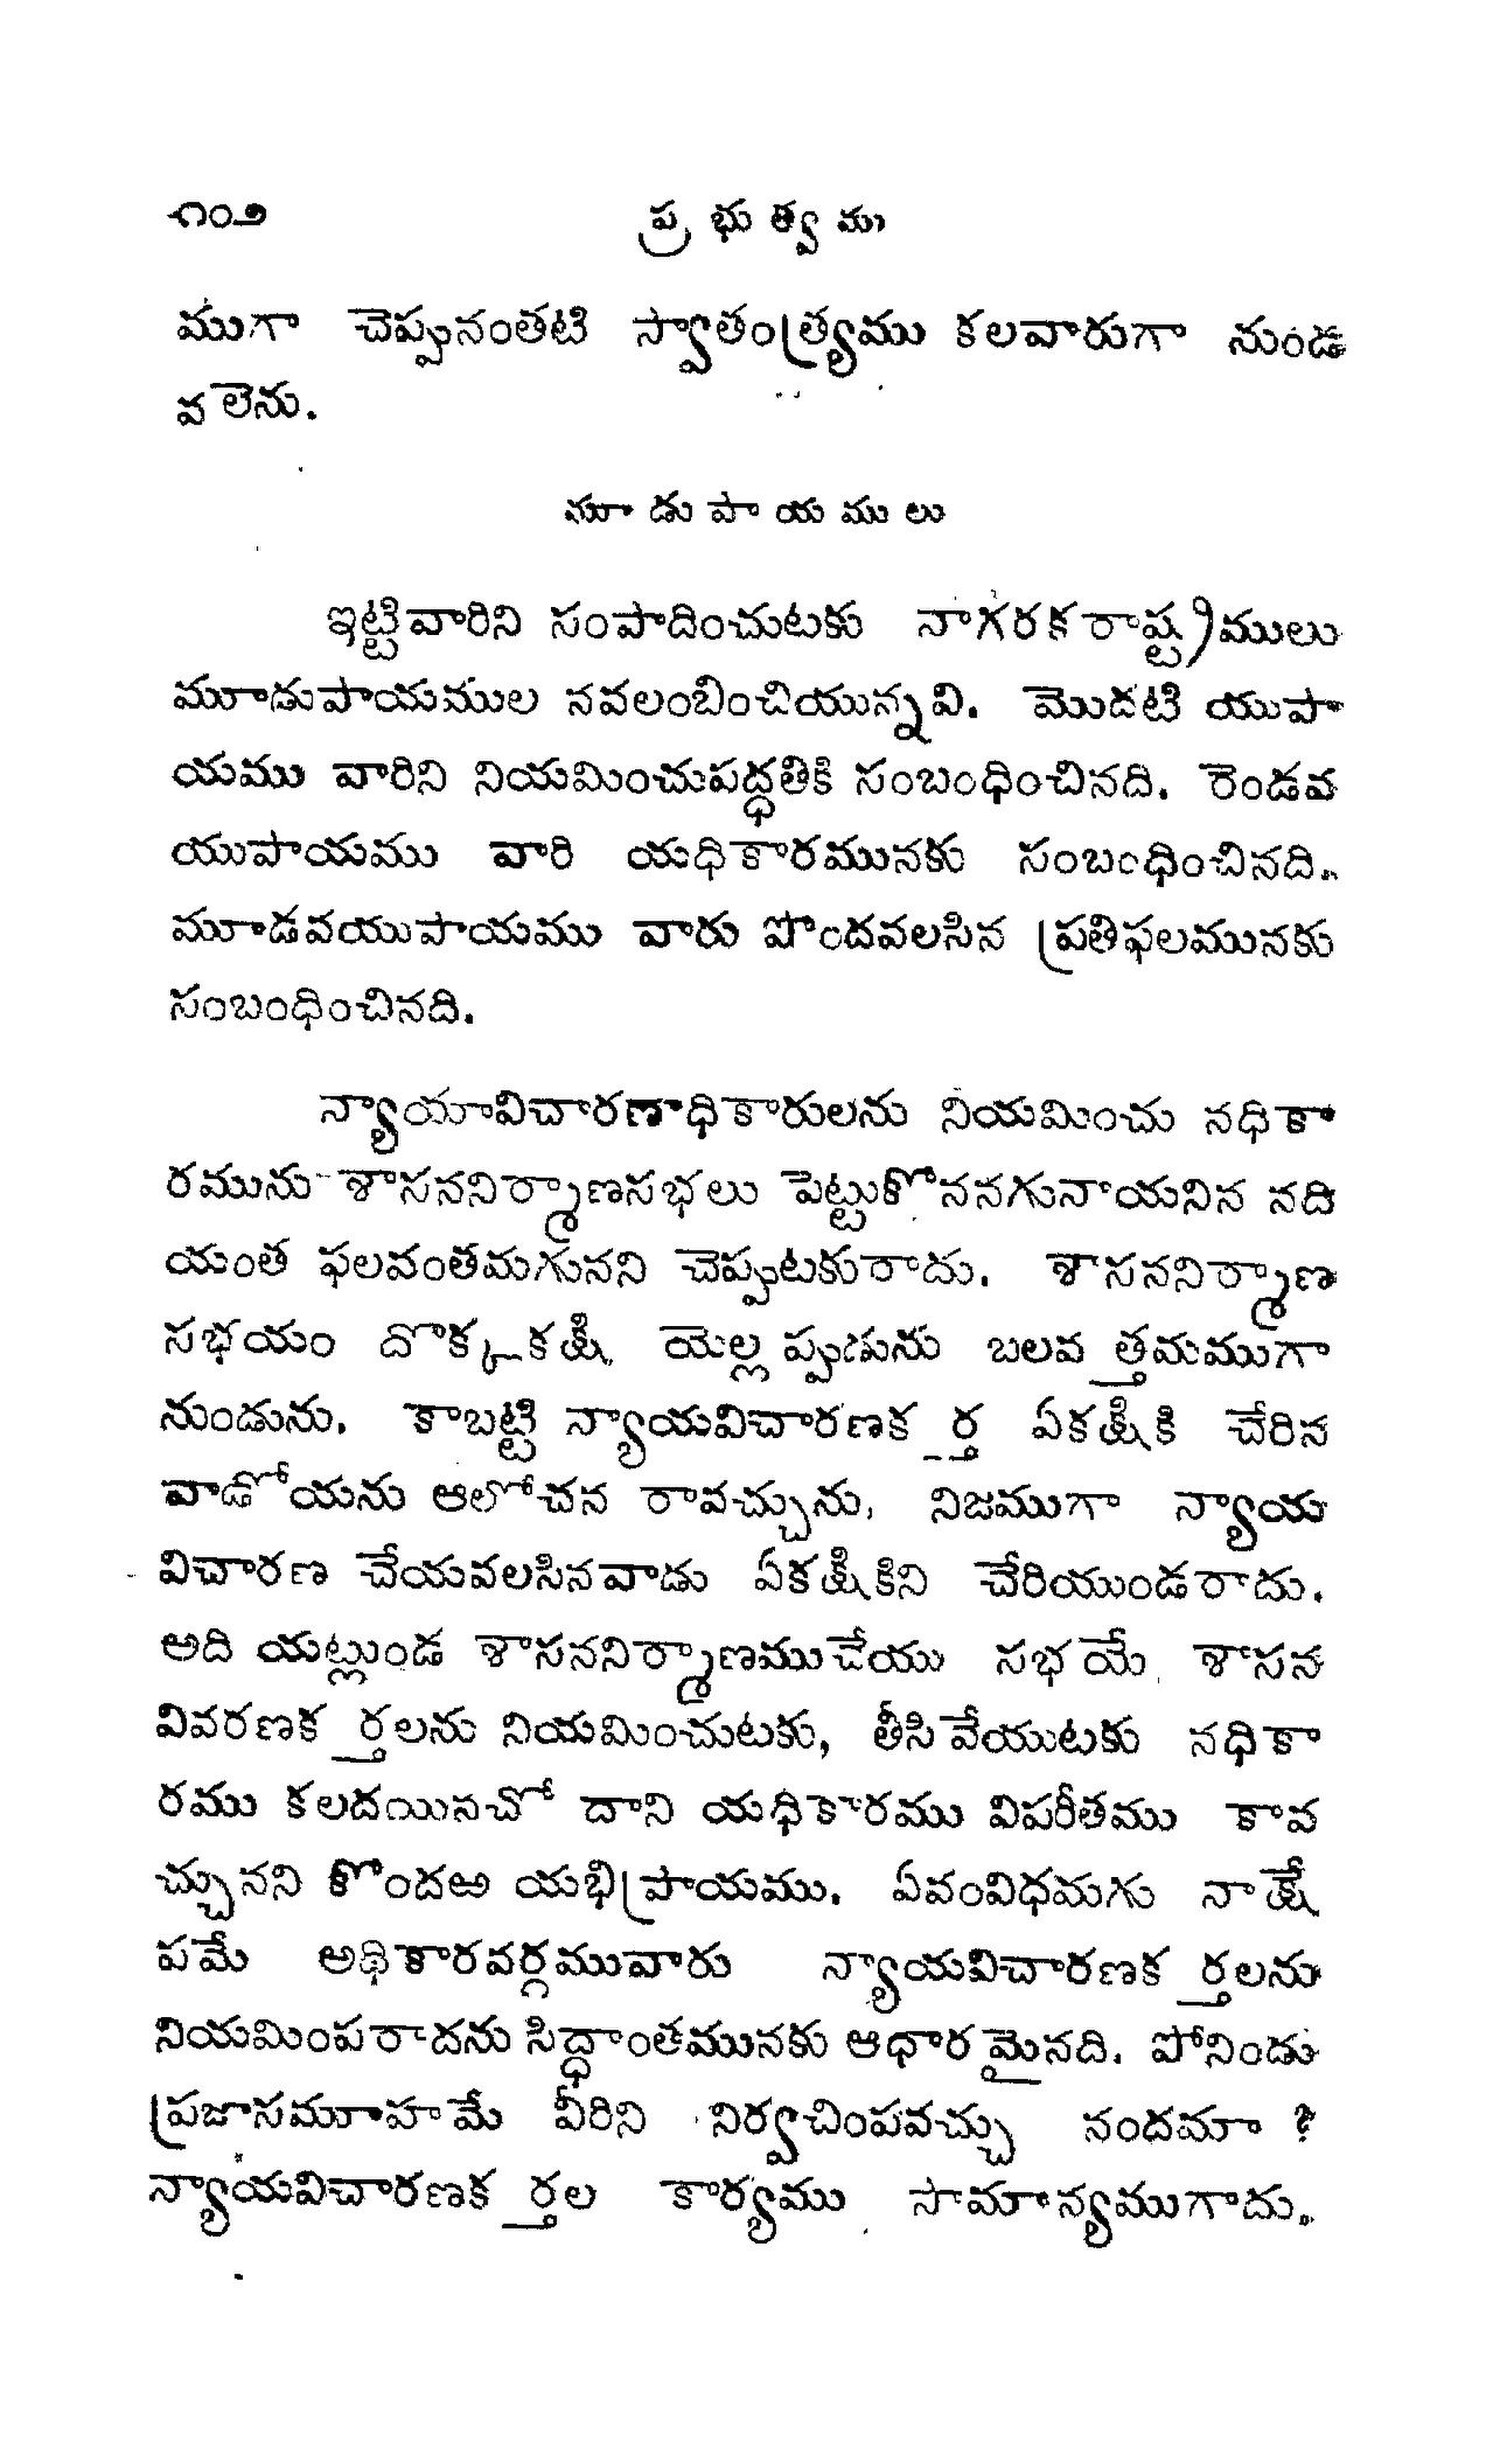ముగా చెప్పునంతటి స్వాతంత్ర్యము కలవారుగా నుండవలెను.

ఇట్టివారిని సంపాదించుటకు నాగరకరాష్ట్రములు మూడుపాయముల నవలంబించియున్నవి. మొదటి యుపాయము వారిని నియమించుపద్ధతికి సంబంధించినది. రెండవ యుపాయము వారి యధికారమునకు సంబంధించినది. మూడవయుపాయము వారు పొందవలసిన ప్రతిఫలమునకు
సంబంధించినది.

న్యాయవిచారణాధికారులను నియమించు నధికారమును శాసననిర్మాణసభలు పెట్టుకొననగునాయని న నదియంత ఫలవంతమగునని చెప్పుటకురాదు. శాసననిర్మాణసభయం దొక్కకక్షి, యెల్లప్పుడును బలవత్తమముగా నుండును, కాబట్టి న్యాయవిచారణకర్త ఏకక్షికి చేరిన వాడోయను ఆలోచన రావచ్చును. నిజముగా న్యాయవిచారణ చేయవలసినవాడు ఏకక్షికిని చేరియుండరాదు. అది యట్లుండ శాసననిర్మాణముచేయు సభయే, శాసన వివరణకర్తలను నియమించుటకు, తీసివేయుటకు నధికారము కలదయినచో దాని యధికారము విపరీతము కావచ్చునని కొందఱ యభిప్రాయము. ఏవంవిధమగు నాక్షేపమే అధికారవర్గమువారు న్యాయవిచారణకర్తలను నియమింప రాదను సిద్ధాంతమునకు ఆధారమైనది. పోనిండు ప్రజాసమూహమే వీరిని నిర్వచింపవచ్చు నందమా ? న్యాయవిచారణకర్తల కార్యము సామాన్యముగాదు.